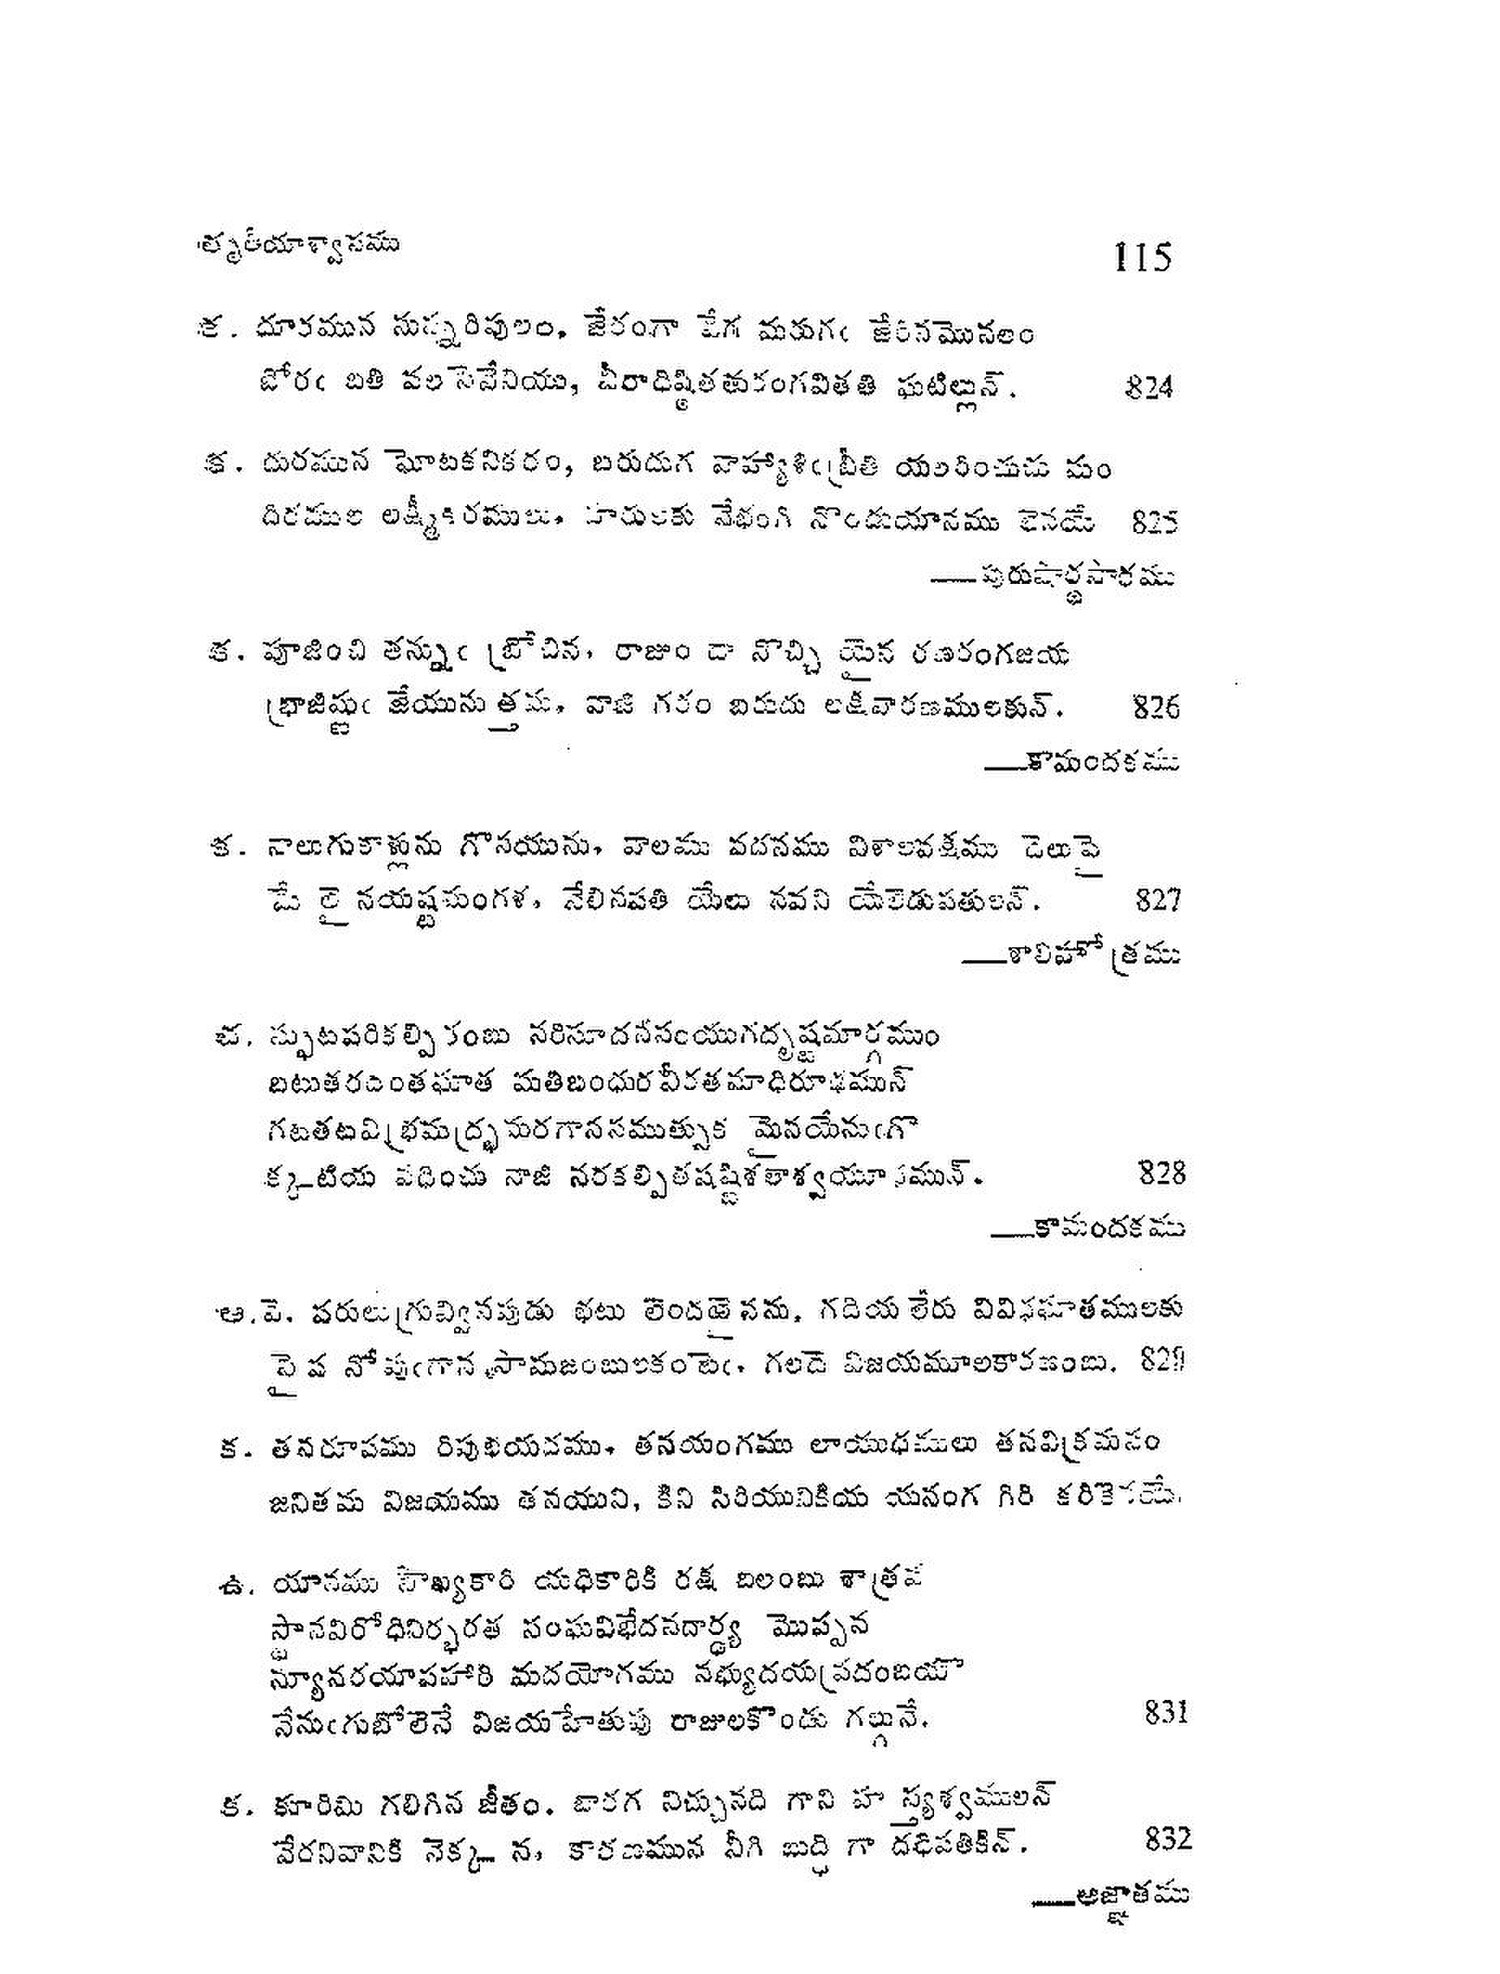క. దూరమున నున్న రిపులం
జేరంగా వేగ మరుగఁ జేరినమొనలం
బొరఁ బతి వలసెనేనియు
వీరాధిష్టితతురంగవితతి ఘటిల్లున్. 824

క. దురమున ఘోటకనికరం
బరుదుగ వాహ్యాళిఁ బ్రీతి యలరించుచు మం
దిరముల లక్ష్మీకరములు
హరులకు నేభంగి నొండుయానము లెనయే. 825

క. పూజించి తన్నుఁ బ్రోచిన
రాజుం దా నొచ్చి యైన రణరంగజయ
భ్రాజిష్ణుఁ జేయునుత్తమ
వాజి గరం బరుదు లక్షవారణములకున్. 826

క. నాలుగుకాళ్ళును గొనయును
వాలము వదనము విశాలవక్షము దెలుపై
నే లైన యష్టమంగళ
నేలినపతి యేలు నవని యేలెడుపతులన్. 827

చ. స్ఫుటపరికల్పితంబు నరిసూదనసంయుగదృష్టమార్గముం
బటుతరదంతఘాత మతిబంధురవీరతమాధిరూఢమున్
గటతటవిభ్రమద్భ్రమరగానసముత్సుక మైన యేనుఁ గొ
క్కటియ వధించు నాజి నరకల్పితషష్టిశతాశ్వయూధమున్. 828

ఆ. పరులు గ్రువ్వినపుడు భటు లెందఱైనను
గదియ లేరు వివిధఘాతములకు
సైప నోపుఁగాన సామజంబులకంటెఁ
గలదె విజయమూలకారణంబు. 829

క. తనరూపము రిపుభయదము
తనయంగము లాయుధములు తనవిక్రమసం
జనితమ విజయము తనయుని
కిని సిరియునికియ యనంగ గిరి కరికెనయే. 830

ఉ. యానము సౌఖ్యకారి యధికారికి రక్ష బలంబు శాత్రవ
స్థానవిరోధినిర్భరత సంఘవిభేదనదార్ఢ్య మొప్పన
న్యూనరయాపహారి మదయోగము నభ్యుదయప్రదంబయౌ
నేనుఁగుబోలెనే విజయహేతువు రాజులకొండు గల్గునే. 831

క. కూరిమి గలిగిన జీతం
బారగ నిచ్చునది గాని హస్త్యశ్వములన్
నేరనివానికి నెక్క న
కారణమున నీగి బుద్ధి గా దధిపతికిన్. 832